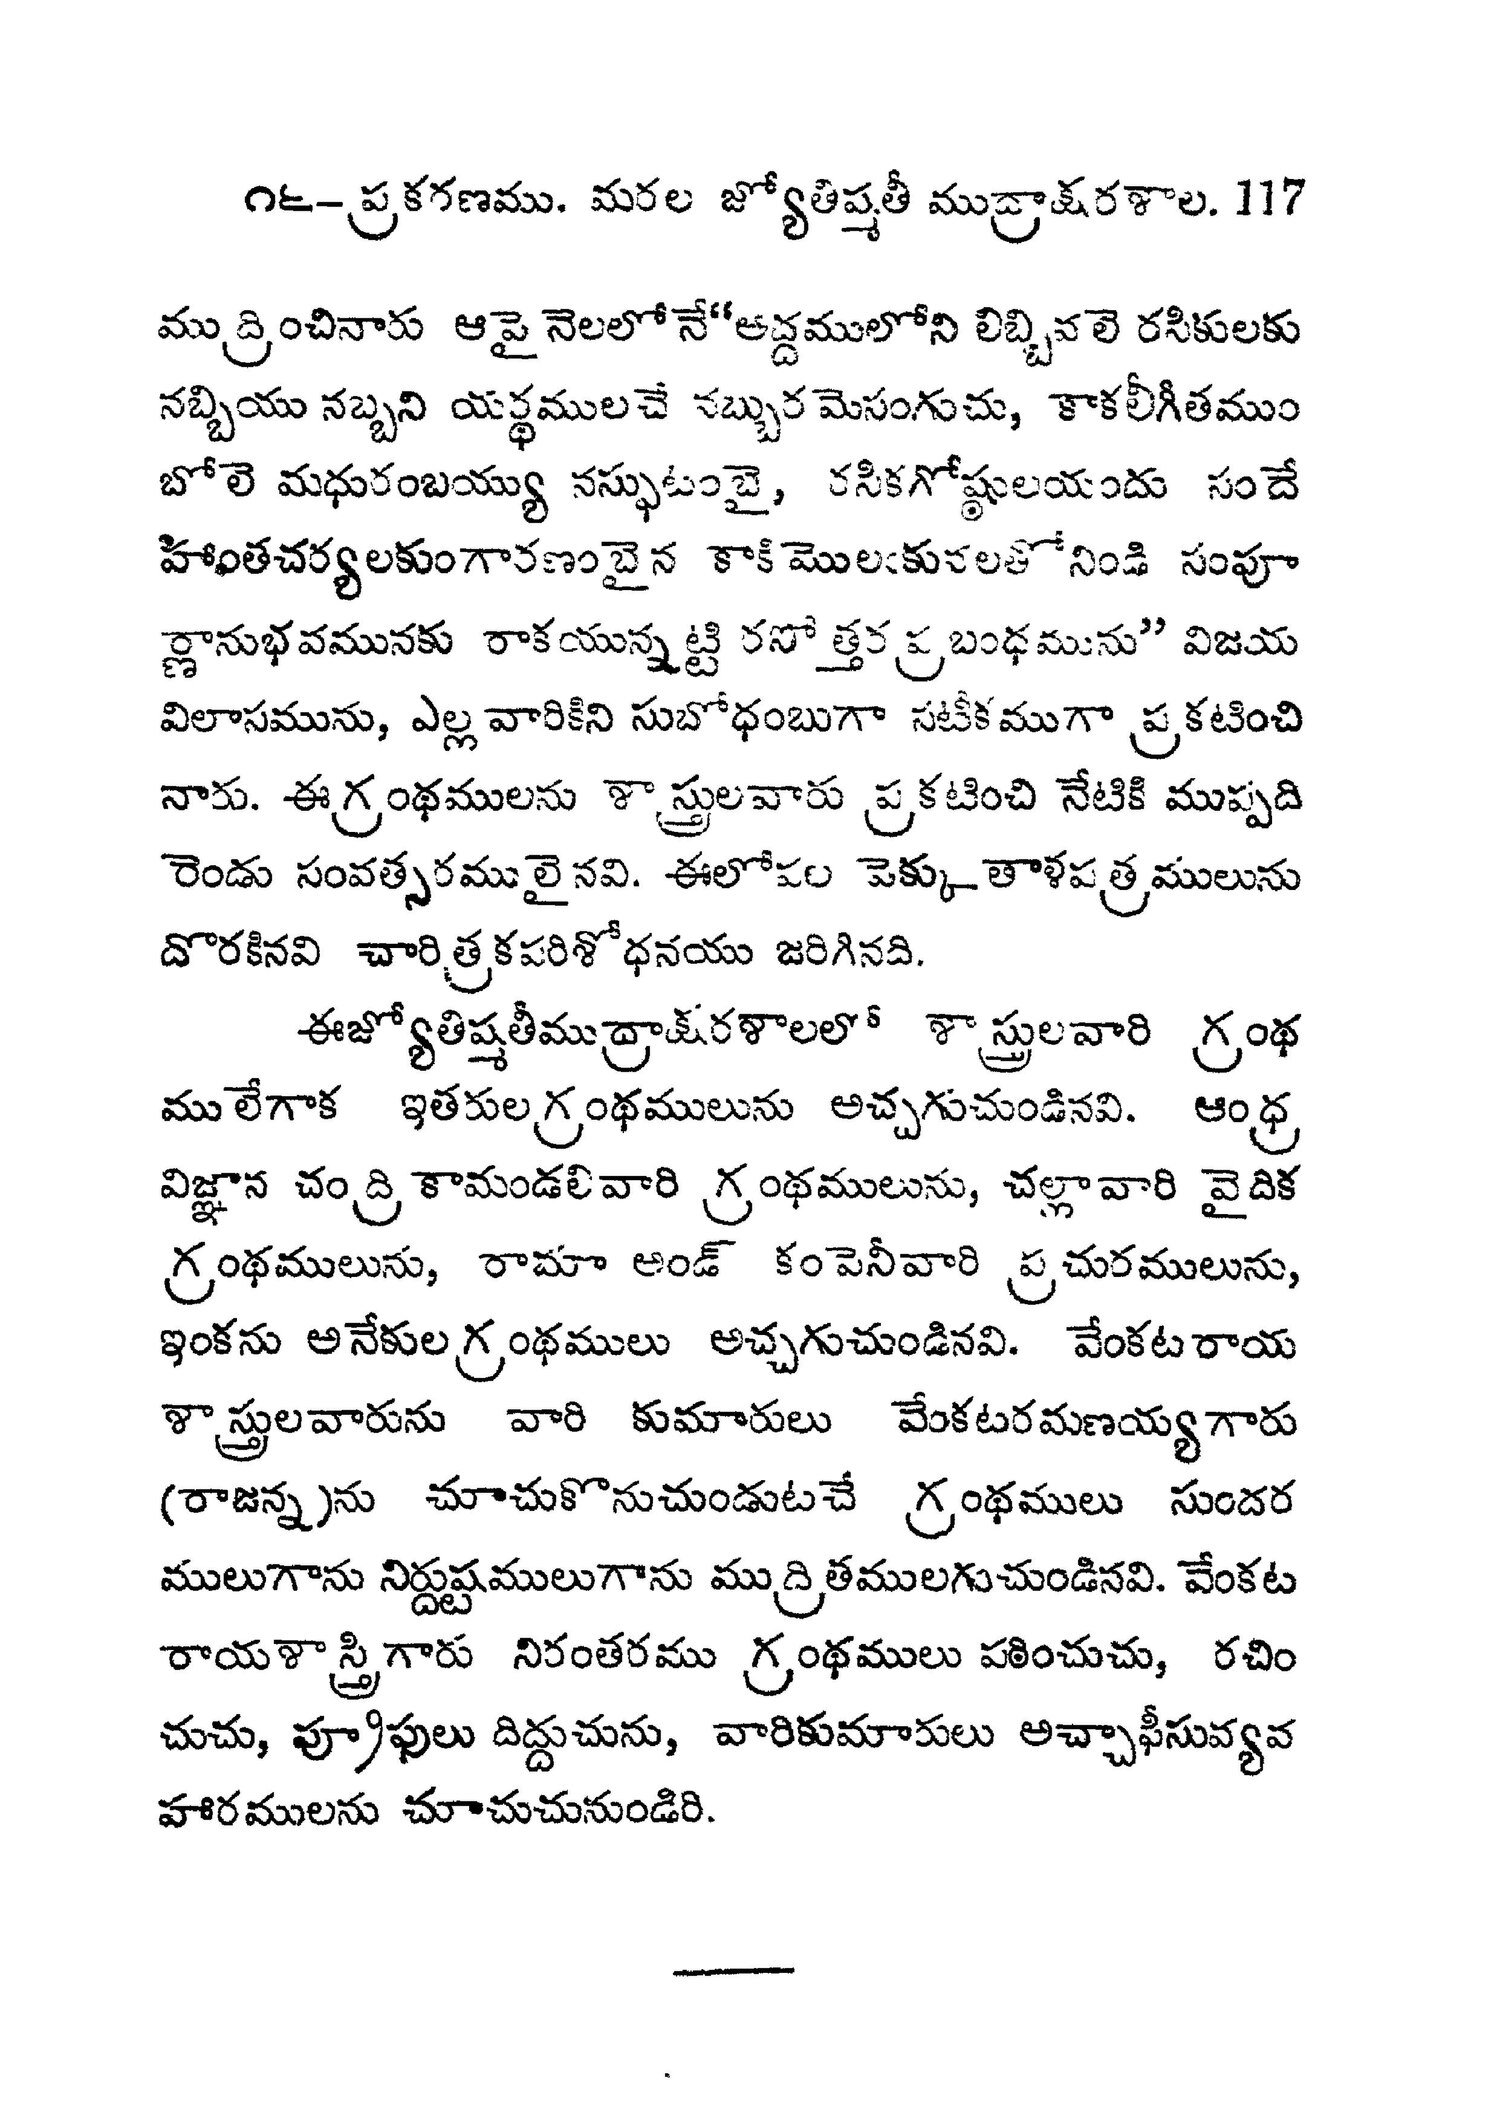ముద్రించినారు ఆపైనెలలోనే "అద్దములోని లిబ్బివలె రసికులకు నబ్బియు నబ్బని యర్థములచే నబ్బురమెసంగుచు, కాకలీగీతముంబోలె మదురంబయ్యు నస్ఫుటంబై, రసికగోష్ఠులయందు సందేహాంతచర్యలకుంగారణంబైన కాకిమొలకువలతోనిండి సంపూర్ణానుభవమునకు రాకయున్నట్టి రసోత్తరప్రబంధమును" విజయ విలాసమును, ఎల్లవారికిని సుబోధంబుగా నటీకముగా ప్రకటించినారు. ఈగ్రంథములను శాస్త్రులవారు ప్రకటించి నేటికి ముప్పది రెండు సంవత్సరములైనవి. ఈలోపల పెక్కుతాళపత్రములును దొరకినవి. చారిత్రపరిశోధనయు జరిగినది.

ఈజ్యోతిష్మతీముద్రాక్షరశాలలో శాస్త్రులవారి గ్రంథములేగాక ఇతరులగ్రంథములును అచ్చగుచుండినవి. ఆంధ్ర విజ్ఞాన చంద్రికామండలివారి గ్రంథములును, చల్లావారి వైదిక గ్రంథములును, రామా అండ్ కంపెనీవారి ప్రచురములును, ఇంకను అనేకులగ్రంథములు అచ్చగుచుండినవి. వేంకటరాయశాస్త్రుల వారును వారి కుమారులు వేంకటరమణయ్యగారు (రాజన్న)ను చూచుకొనుచుండుటచే గ్రంథములు సుందరములుగాను నిర్దుష్టములుగాను ముద్రితములగు చుండినవి. వేంకటరాయశాస్త్రిగారు నిరంతరము గ్రంథములు పఠించుచు, రచించుచు, ప్రూపులు దిద్దుచును, వారికుమారులు అచ్చాఫీసు వ్యవహారములను చూచుచునుండిరి.

___________